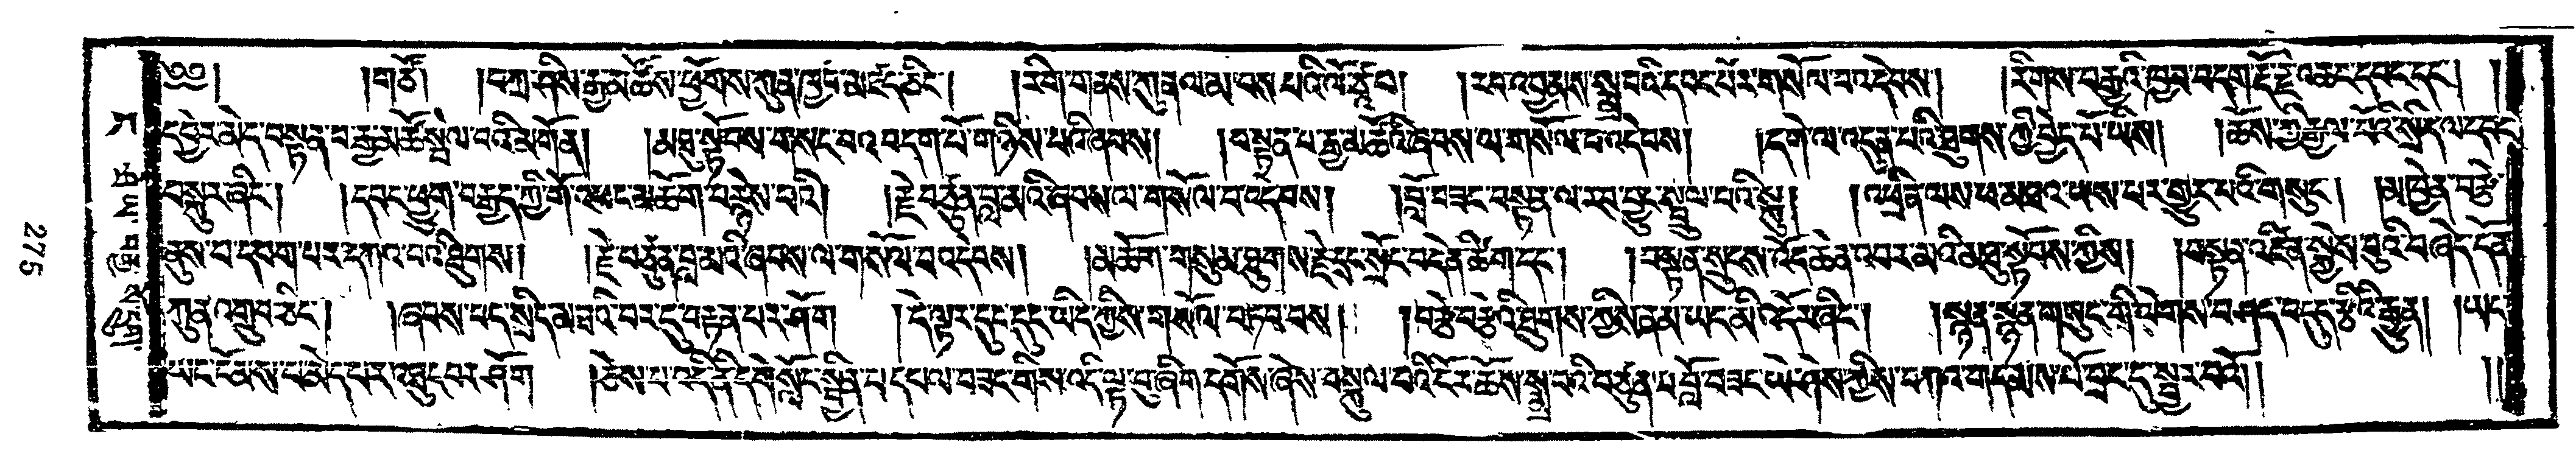༄༅། །གཙོ། །བཀྲ་ཤིས་རྒྱ་མཚོས་ཕྱོགས་ཀུན་ཁྱབ་མཛད་ཅིང་། །རིག་གནས་ཀུན་ལ་མ་བས་པའི་ལོ་ཙཱ་བ། །རབ་འབྱམས་སྨྲ་བའི་དབང་པོར་གསོལ་བ་འདེབས། །རིགས་བརྒྱའི་ཁྱབ་བདག་རྡོ་རྗེ་འཆང་དབང་དང་། །
དབྱེར་མེད་བསྟན་པ་རྒྱ་མཚོ་སྤེལ་བའི་མགོན། །མཐུ་སྟོབས་གསང་བའ་བདག་པོ་གཉིས་པའི་ཞབས། །བསྟན་པ་རྒྱ་མཚོའི་ཞབས་ལ་གསོལ་བ་འདེབས། །དགེ་ལ་འདུན་པའི་ཐུགས་ཀྱི་བྱེད་པོ་ཡིས། །ཆོས་ཀྱི་རྒྱལ་པོའི་སྲིད་ལ་དབང་
བསྐུར་ཞིང་། །དབང་ཕྱུག་བརྒྱད་ཀྱི་གོ་འཕང་མཆོག་བརྙེས་པའི། །རྗེ་བཙུན་བླ་མའི་ཞབས་ལ་གསོལ་བ་འདེབས། །བློ་བཟང་བསྟན་ལ་རབ་བྱུང་སྤྲུལ་པའི་སྐུ། །འཕྲིན་ལས་ཕ་མཐའ་ཡས་པར་གྱུར་པའི་གསུང་། །མཁྱེན་བརྩེ་
ནུས་པ་དཔག་པར་དཀའ་བའི་ཐུགས། །རྗེ་བཙུན་བླ་མའི་ཞབས་ལ་གསོལ་བ་འདེབས། །མཆོག་གསུམ་ཐུགས་རྗེ་དྲང་སྲོང་བདེན་ཚིག་དང་། །བསྟན་སྲུངས་འོད་ཆེན་འབར་མའི་མཐུ་སྟོབས་ཀྱིས། །བསྟན་འཛིན་སྐྱེས་བུའི་བཞེད་དོན་
ཀུན་འགྲུབ་ཅིང་། །ཞབས་པད་སྲིད་མཐའི་བར་དུ་བརྟན་པར་ཤོག །དེ་ལྟར་དུང་དུང་ཡིད་ཀྱིས་གསོལ་བཏབ་པས། །བརྩེ་བརྩེའི་ཐུགས་ཀྱིས་ནམ་ཡང་མི་འདོར་ཞིང་། །སྙན་སྙན་གསུང་གི་ལེགས་བཤད་བདུད་རྩིའི་རྒྱུན། །ཡང་
ཡང་ངོམས་པ་མེད་པར་འཐུང་བར་ཤོག །ཅེས་པ་འདི་ནི་དགེ་སློང་སྦྱིན་པ་དཔལ་བཟང་གིས་འདི་ལྟ་བུ་ཞིག་དགོས་ཞེས་བསྐུལ་བའི་ངོར་ཆོས་སྨྲ་བའི་བཙུན་པ་བློ་བཟང་ཡེ་ཤེས་ཀྱིས་བཀའ་གདམས་པོ་བྲང་དུ་སྦྱར་བའོ།། །།